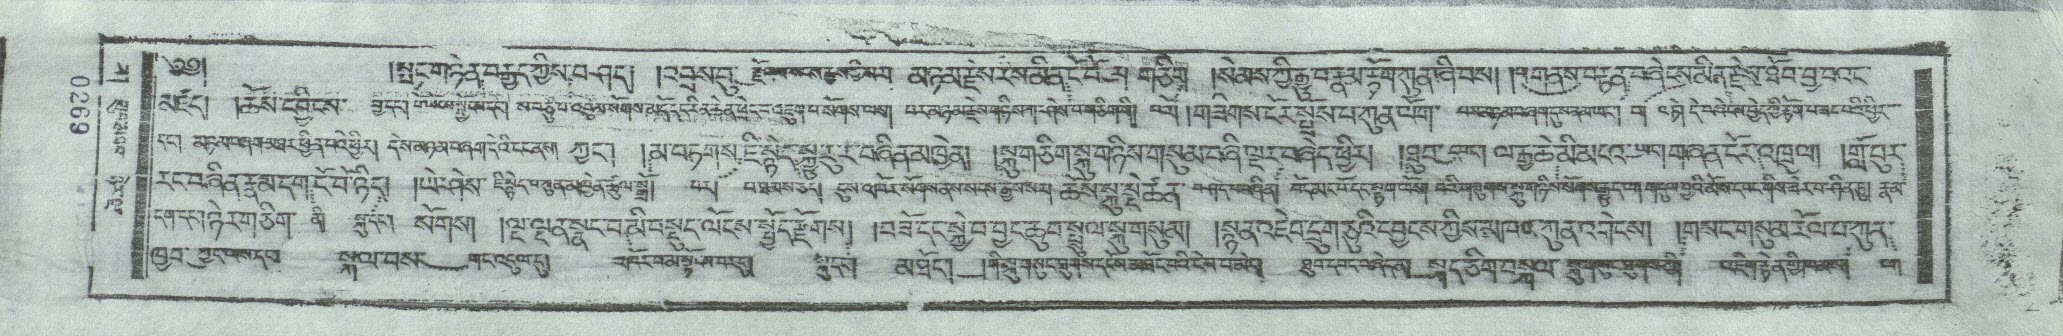༄༅། །སྤང་གཉེན་བརྒྱད་ཀྱིས་བཤད། །འབྲས་བུ་རྫོགས་སངས་རྒྱས་ཀྱི་སར། མཉམ་རྗེས་རེས་མིན་ངོ་བོ་ར། གཅིག། །སེམས་ཀྱི་རྒྱུ་བ་རྣམ་རྟོག་ཀུན་ཞི་བས། །ག་གནས་བརྟན་བཞེངས་མིན་རྗེས་ཐོབ་བྱ་བའང་
མཛད། །ཆོས་དབྱིངས་བྱ་དང་། བོ་ཡོས་སྦྱོངས་དང་། ས་བཅུ་པ་འཇུམ་སོགས་མདོ་དང་རིན་ཆེན་ཕྲེང་བ་འཇུག་པ་སོགས་ལས། པར་མཉམ་རྗེས་གཉིས་ཀ་ཤེས་པ་གཅིག་གོ། པ་རོ། །གཟིགས་ངོར་སྤྲོས་བཀུན་ལོག་བསམ་ཉམ་བཞག་དུས་རྣམས་ཡང་། བ་ལ་ཏེ། དེ་བཞེས་བྱེད་ཀྱི་རྟོག་བཟད་བའི་ཕྱིར་
དང་། མཉམ་གཞག་མཐར་ཕྱིན་དའི་ཕྱིར། དེས་མཉམ་བཞག་དེའི་ངང་ནས། ཀྱང་།མ་བཏགས་ཇི་སྙེད་སྒྱུ་རུ་ར་བཞིན་མཁྱེན། །སྐུ་གཅིག་སྐུ་གཉིས་གསུམ་བཞི་ལྔར་བཞེད་ཕྱིར། །ཐུབ་དབང་། ལ་རྒྱ་ཆེ་མི་མངའ་ཡང་། གཞན་ངོར་འཁྲུལ། །གློ་བུར་
རང་བཞིན་རྣམ་དག་ངོ་བོ་ཉིད། །ཡེ་ཤེས་ཇི་སྙེད་པ་ཀུན་མཁྱེན་ཚུལ་སྒྲོ་བར། །བ་ཐམས་ཅད། དུས་འཁོར་སོས་ནས་སངས་རྒྱས་སར། ཆོས་སྐུ་སྡེ་ཚན་བཤད་པ་བཞིན། བོད་མང་པོ་དང་སྟག་ལོས། བའི་གཟུགས?་སྐུ་གཉིས་སོགས་རྒྱུད་པ། གདུལ་བྱའི་མོས་དབང་གིས་ཟེར་བཞིན་དུ། རྣམ་
དག་དང་། ཉེར་གཅིག། མི་སྐུ་དང་སོགས། །ལྔ་ལྡན་སྣང་བ་མི་བསྡུད་ལོངས་སྤྱོད་རྫོགས། །བཟོ་དང་སྐྱེ་བ་བྱང་ཆུབ་སྤྲུལ་སྐུ་གསུམ། །སྙན་འཇེབ་དྲུག་ཅུའི་དབྱངས་ཀྱིས་མཁའ་ཀུན་འགེངས། །གསང་གསུམ་རོལ་བ་ཀུན་
ཁྱབ་ཀྱང་ལས་དང་། སྐལ་བས། གང་འདུལ་དུ། འཁོར་ལམ་སྟོངས་བར་དུ། སྐུ་དང་། མཐོད། །གི་སྐུ་གསུངས་ཐུགས་དངོས་མཐོང་བའི་ངེས་པ་མེད། ཐུབ་དབང་བཞེད་ན། སྐད་ཅིག་བསྐལ་སྐུ་གསུང་ཐུགས་ཀྱི། འཇིག་རྟེན་གྱི་ལམ་པ། བ།